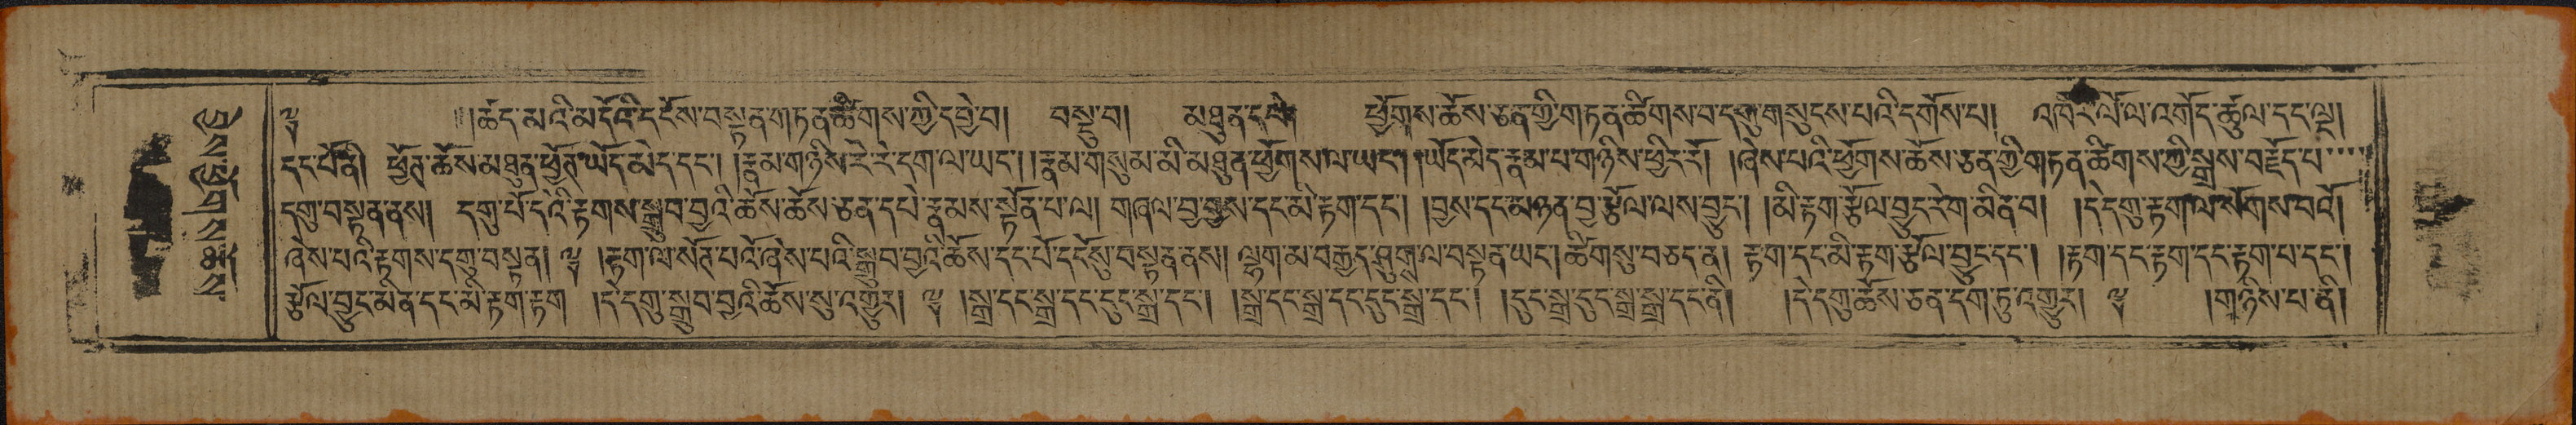།ཚད་མའི་མདོའི་དངོས་བསྟན་གཏན་ཚིགས་ཀྱི་དབྱེ་བ། བསྡུ་བ། མཐུན་དཔེ། ཕྱོགས་ཆོས་ཅན་གྱི་གཏན་ཚིགས་བ་དགུ་གསུངས་པའི་དགོས་པ། འཁོར་ལོ་ལ་འགོད་ཚུལ་དང་ལྔ།
དང་པོ་ནི། ཕྱོགས་ཆོས་མཐུན་ཕྱོགས་ཡོད་མེད་དང་། །རྣམ་གཉིས་རེ་རེ་དག་ལ་ཡང་། །རྣམ་གསུམ་མི་མཐུན་ཕྱོགས་ལ་ཡང་། །ཡོད་མེད་རྣམ་པ་གཉིས་ཕྱིར་རོ། །ཞེས་པའི་ཕྱོགས་ཆོས་ཅན་གྱི་གཏན་ཚིགས་ཀྱི་སྒྲས་བརྗོད་པ་
དགུ་བསྟན་ནས། དགུ་པོ་དེའི་རྟགས་སྒྲུབ་བྱའི་ཆོས་ཆོས་ཅན་དཔེ་རྣམས་སྟོན་པ་ལ། གཞལ་བྱ་བྱས་དང་མི་རྟག་དང་། །བྱས་དང་མཉན་བྱ་རྩོལ་ལས་བྱུང་། །མི་རྟག་རྩོལ་བྱུང་རེག་མིན་བ། །དེ་དགུ་རྟག་ལ་སོགས་པའོ།
ཞེས་པའི་རྟགས་དགུ་བསྟན། ༈ །རྟག་ལ་སོགས་པའོ་ཞེས་པའི་སྒྲུབ་བྱའི་ཆོས་དང་པོ་དངོས་སུ་བསྟན་ནས། ལྷག་མ་བརྒྱད་ཤུགས་ལ་བསྟན་ཡང་། ཚིགས་སུ་བཅད་ན། རྟག་དང་མི་རྟག་རྩོལ་བྱུང་དང་། །རྟག་དང་རྟག་དང་རྟག་པ་དང་།
རྩོལ་བྱུང་མིན་དང་མི་རྟག་རྟག །དེ་དགུ་སྒྲུབ་བྱའི་ཆོས་སུ་འགྱུར། ༈ །སྒྲ་དང་སྒྲ་དང་དུང་སྒྲ་དང་། །སྒྲ་དང་སྒྲ་དང་དུང་སྒྲ་དང་། །དུང་སྒྲ་དུང་སྒྲ་སྒྲ་དང་ནི། །དེ་དགུ་ཆོས་ཅན་དག་ཏུ་འགྱུར། ༈ །གཉིས་པ་ནི།